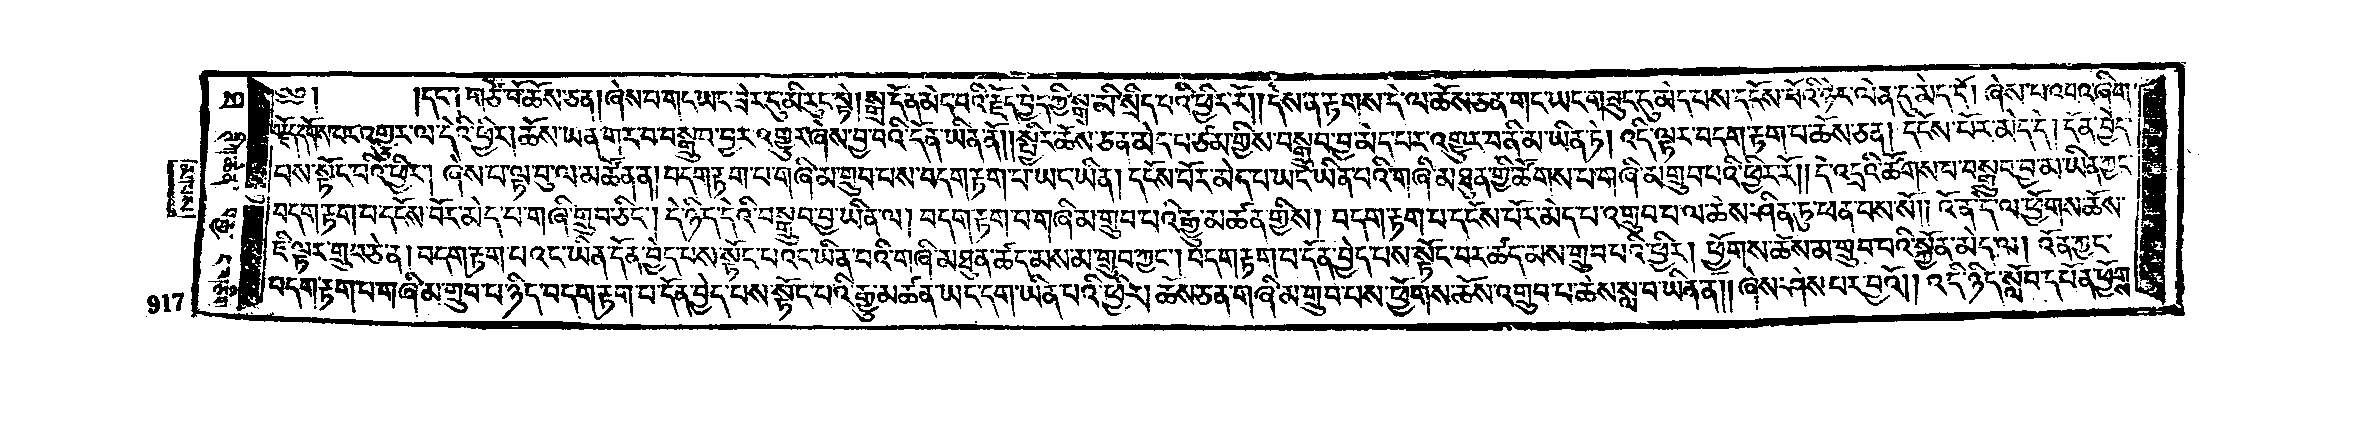༄༅། །དང༑ གཙོ་བོ་ཆོས་ཅན། ཞེས་པ་གང་ཡང་ཟེར་དུ་མི་རུང་སྟེ། སྒྲ་དོན་མེད་པའི་རྗོད་བྱེད་ཀྱི་སྒྲ་མི་སྲིད་པའི་ཕྱིར་རོ། །དེས་ན་རྟགས་དེ་ལ་ཆོས་ཅན་གང་ཡང་གཟུང་དུ་མེད་པས་དངོས་པོའི་ཉེར་ལེན་དུ་མེད་དོ། ཞེས་པ་འབའ་ཞིག་
བརྗོད་དགོས་པར་འགྱུར་ལ་དེའི་ཕྱིར། ཆོས་ཡན་གར་བ་བསྒྲུབ་བྱར་འགྱུར་ཞེས་བྱ་བའི་དོན་ཡིན་ནོ། །སྤྱིར་ཆོས་ཅན་མེད་པ་ཙམ་གྱིས་བསྒྲུབ་བྱ་མེད་པར་འགྱུར་བ་ནི་མ་ཡིན་ཏེ། འདི་ལྟར་བདག་རྟག་པ་ཆོས་ཅན། དངོས་པོར་མེད་དེ། དོན་བྱེད་
པས་སྟོང་པའི་ཕྱིར། ཞེས་པ་ལྟ་བུ་ལ་མཚོན་ན། བདག་རྟག་པ་གཞི་མ་གྲུབ་པས་བདག་རྟག་པ་ཡང་ཡིན། དངོས་པོར་མེད་པ་ཡང་ཡིན་པའི་གཞི་མཐུན་གྱི་ཚོགས་པ་གཞི་མ་གྲུབ་པའི་ཕྱིར་རོ། །དེ་འདྲའི་ཚོགས་པ་བསྒྲུབ་བྱ་མ་ཡིན་ཀྱང་
བདག་རྟག་པ་དངོས་པོར་མེད་པ་གཞི་གྲུབ་ཅིང་། དེ་ཉིད་དེའི་བསྒྲུབ་བྱ་ཡིན་ལ། བདག་རྟག་པ་གཞི་མ་གྲུབ་པའི་རྒྱུ་མཚན་གྱིས། བདག་རྟག་པ་དངོས་པོར་མེད་པ་འགྲུབ་པ་ལ་ཆེས་ཤིན་ཏུ་ཕན་པས་སོ། །འོ་ན་དེ་ལ་ཕྱོགས་ཆོས་
ཇི་ལྟར་གྲུབ་ཅེ་ན། བདག་རྟག་པའང་ཡིན་དོན་བྱེད་པས་སྟོང་པའང་ཡིན་པའི་གཞི་མཐུན་ཚད་མས་མ་གྲུབ་ཀྱང་། བདག་རྟག་པ་དོན་བྱེད་པས་སྟོང་བར་ཚད་མས་གྲུབ་པའི་ཕྱིར། ཕྱོགས་ཆོས་མ་གྲུབ་པའི་སྐྱོན་མེད་ལ། འོན་ཀྱང་
བདག་རྟག་པ་གཞི་མ་གྲུབ་པ་ཉིད་བདག་རྟག་པ་དོན་བྱེད་པས་སྟོང་པའི་རྒྱུ་མཚན་ཡང་དག་ཡིན་པའི་ཕྱིར། ཆོས་ཅན་གཞི་མ་གྲུབ་པས་ཕྱོགས་ཆོས་འགྲུབ་པ་ཆེས་སླ་བ་ཡིན་ནོ། །ཞེས་ཤེས་པར་བྱའོ། །འདི་ཉིད་སློབ་དཔོན་ཕྱོགས་